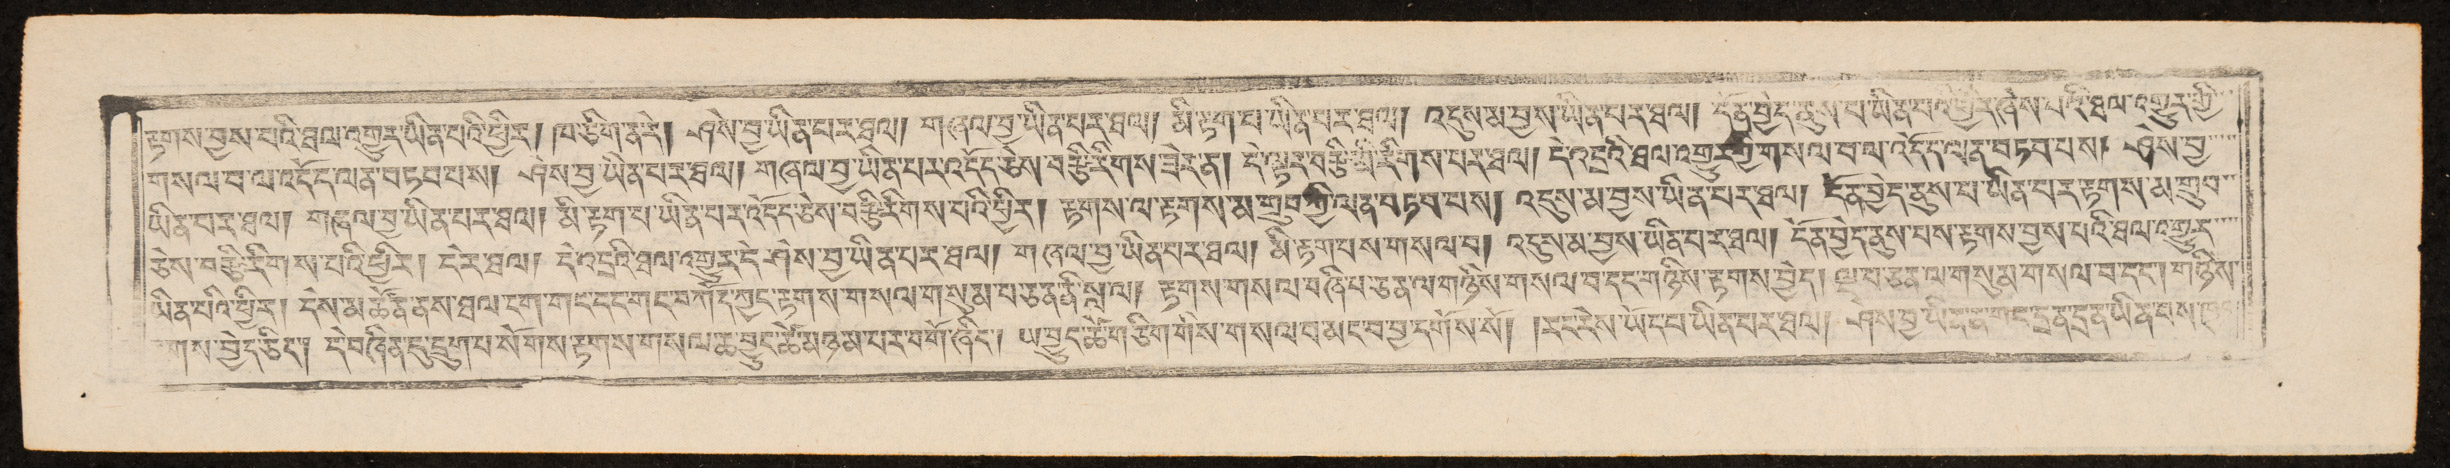རྟགས་བྱས་པའི་ཐལ་འགྱུར་ཡིན་པའི་ཕྱིར། ཁ་ཅིག་ན་རེ། ཤེས་བྱ་ཡིན་པར་ཐལ། གཞལ་བྱ་ཡིན་པར་ཐལ། མི་རྟག་པ་ཡིན་པར་ཐལ། འདུས་མ་བྱས་ཡིན་པར་ཐལ། འདོན་བྱེད་ནུས་པ་ཡིན་པའི་ཕྱིར་ཞེས་པའི་ཐལ་འགྱུར་གྱི་
གསལ་བ་ལ་འདོད་ལན་བཏབ་པས། ཤེས་བྱ་ཡིན་པར་ཐལ། གཞལ་བྱ་ཡིན་པར་འདོད་ཅེས་བརྩི་རིགས་ཟེར་ན། དེ་ལྟར་བརྩི་མི་རིགས་པར་ཐལ། དེ་འདྲའི་ཐལ་འགྱུར་གྱི་གསལ་བ་ལ་འདོད་ལན་བཏབ་པས། ཤེས་བྱ་
ཡིན་པར་ཐལ། གཞལ་བྱ་ཡིན་པར་ཐལ། མི་རྟག་པ་ཡིན་པར་འདོད་ཅེས་བརྩི་རིགས་པའི་ཕྱིར། རྟགས་ལ་རྟགས་མ་གྲུབ་ཀྱི་ལན་བཏབ་པས། འདུས་མ་བྱས་ཡིན་པར་ཐལ། འདོད་བྱེད་ནུས་པ་ཡིན་པར་རྟགས་མ་གྲུབ་
ཅེས་བརྩི་རིགས་པའི་ཕྱིར། དེར་ཐལ། དེ་འདྲའི་ཐལ་འགྱུར་དེ་ཤེས་བྱ་ཡིན་པར་ཐལ། གཞལ་བྱ་ཡིན་པར་ཐལ། མི་རྟག་པས་གསལ་བ། འདུས་མ་བྱས་ཡིན་པར་ཐལ། དོན་བྱེད་ནུས་པས་རྟགས་བྱས་པའི་ཐལ་འགྱུར་
ཡིན་པའི་ཕྱིར། དེས་མཚོན་ནས་ཐལ་ངག་གང་དང་གང་བཀོད་ཀྱང་རྟགས་གསལ་གསུམ་པ་ཅན་ནི་སླ་ལ། རྟགས་གསལ་བཞི་པ་ཅན་ལ་གཉིས་གསལ་བ་དང་གཉིས་རྟགས་བྱེད། ལྔ་པ་ཅན་ལ་གསུམ་གསལ་བ་དང་། གཉིས་
རྟགས་བྱེད་ཅིང་། དེ་བཞིན་དུ་དྲུག་པ་སོགས་རྟགས་གསལ་ཆ་བྱུང་ཚེ་མཉམ་པར་བགོ་ཞིང་། ཡ་བྱུང་ཚེ་གཅིག་གིས་གསལ་བ་མང་བ་བྱ་དགོས་སོ། །རང་རེས་ཡོད་པ་ཡིན་པར་ཐལ། ཤེས་བྱ་ཡིན་ན་གང་དྲན་དྲན་ཡིན་པས་ཁྱབ་